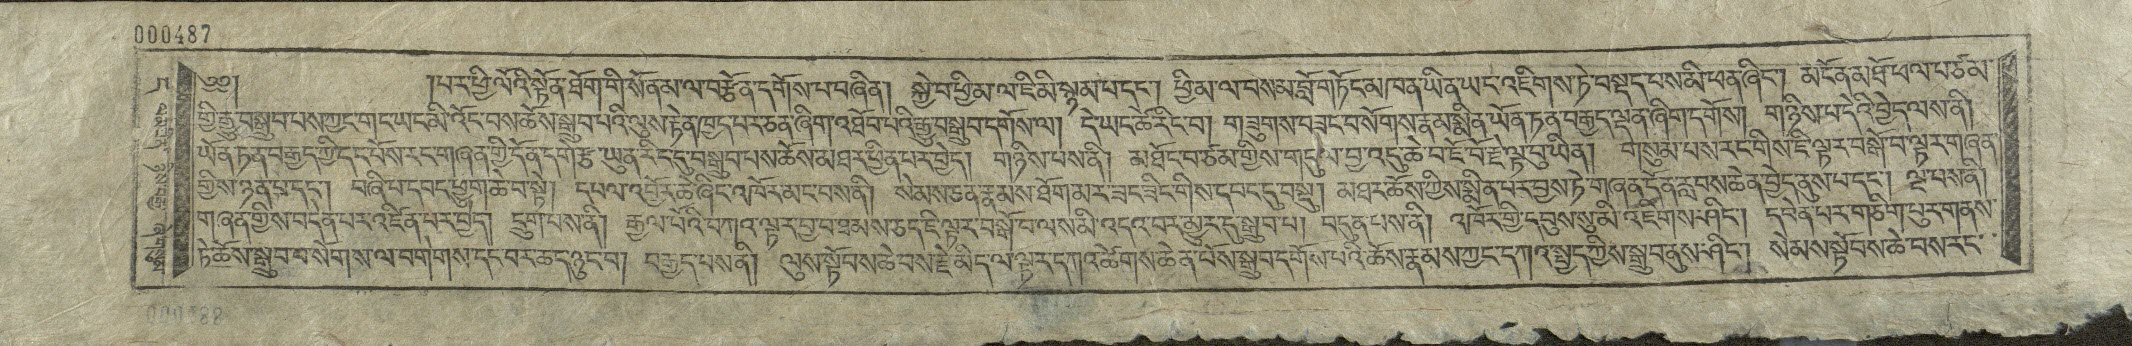༄༅། །པར་ཕྱི་ལོའི་སྟོན་ཐོག་གི་སོ་ནམ་ལ་བརྩོན་དགོས་པ་བཞིན། སྐྱེ་བ་ཕྱི་མ་ལ་ཇི་མི་སྙམ་པ་དང་། ཕྱི་མ་ལ་བསམ་བློ་གཏོང་མཁན་ཡིན་ཡང་འཇིགས་ཏེ་བསྡད་པས་མི་ཕན་ཞིང་། མངོན་མཐོ་ཕལ་པ་ཙམ་
གྱི་རྒྱུ་བསྒྲུབ་པས་ཀྱང་གང་ཡང་མི་འོང་བས་ཆོས་སྒྲུབ་པའི་ལུས་རྟེན་ཁྱད་པར་ཅན་ཞིག་འཐོབ་པའི་རྒྱུ་བསྒྲུབ་དགོས་ལ། དེ་ཡང་ཚེ་རིང་བ། གཟུགས་བཟང་བ་སོགས་རྣམ་སྨིན་ཡོན་ཏན་བརྒྱད་ལྡན་ཞིག་དགོས། གཉིས་པ་དེའི་བྱེད་ལས་ནི།
ཡོན་ཏན་བརྒྱད་ཀྱི་དང་པོས་རང་གཞན་གྱི་དོན་དགེ་རྩ་ཡུན་རིང་དུ་བསྒྲུབ་པས་ཆོས་མཐར་ཕྱིན་པར་བྱེད། གཉིས་པས་ནི། མཐོང་བ་ཙམ་གྱིས་གདུལ་བྱ་འདུ་ཆེ་བ་ཇོ་བོ་རྗེ་ལྟ་བུ་ཡིན། གསུམ་པས་རང་གིས་ཇི་ལྟར་བསྒོ་བ་ལྟར་གཞན་
གྱིས་ཉན་པ་དང་། བཞི་པ་དབང་ཕྱུག་ཆེ་བ་སྟེ། དཔལ་འབྱོར་ཆེ་ཞིང་འཁོར་མང་བས་ནི། སེམས་ཅན་རྣམས་ཐོག་མར་ཟང་ཟིང་གིས་དབང་དུ་བསྡུ། མཐར་ཆོས་ཀྱིས་སྨིན་པར་བྱས་ཏེ་གཞན་དོན་རླབས་ཆེན་བྱེད་ནུས་པ་དང་། ལྔ་པས་ནི།
གཞན་གྱིས་བདེན་པར་འཛིན་པར་བྱེད། དྲུག་པས་ནི། རྒྱལ་པོའི་བཀའ་ལྟར་བྱ་བ་ཐམས་ཅད་ཇི་ལྟར་བསྒོ་བ་ལས་མི་འདའ་བར་མྱུར་དུ་སྒྲུབ་པ། བདུན་པས་ནི། འཁོར་གྱི་དབུས་སུ་མི་འཇིགས་ཤིང་། དབེན་པར་གཅིག་པུར་གནས་
ཏེ་ཆོས་སྒྲུབ་པ་སོགས་ལ་བགེགས་དང་བར་ཆད་ཉུང་བ། བརྒྱད་པས་ནི། ལུས་སྟོབས་ཆེ་བས་རྗེ་མིད་ལ་ལྟར་དཀའ་ཚེགས་ཆེན་པོས་སྒྲུབ་དགོས་པའི་ཆོས་རྣམས་ཀྱང་དཀའ་སྤྱད་ཀྱིས་སྒྲུབ་ནུས་ཤིང་། སེམས་སྟོབས་ཆེ་བས་རང་